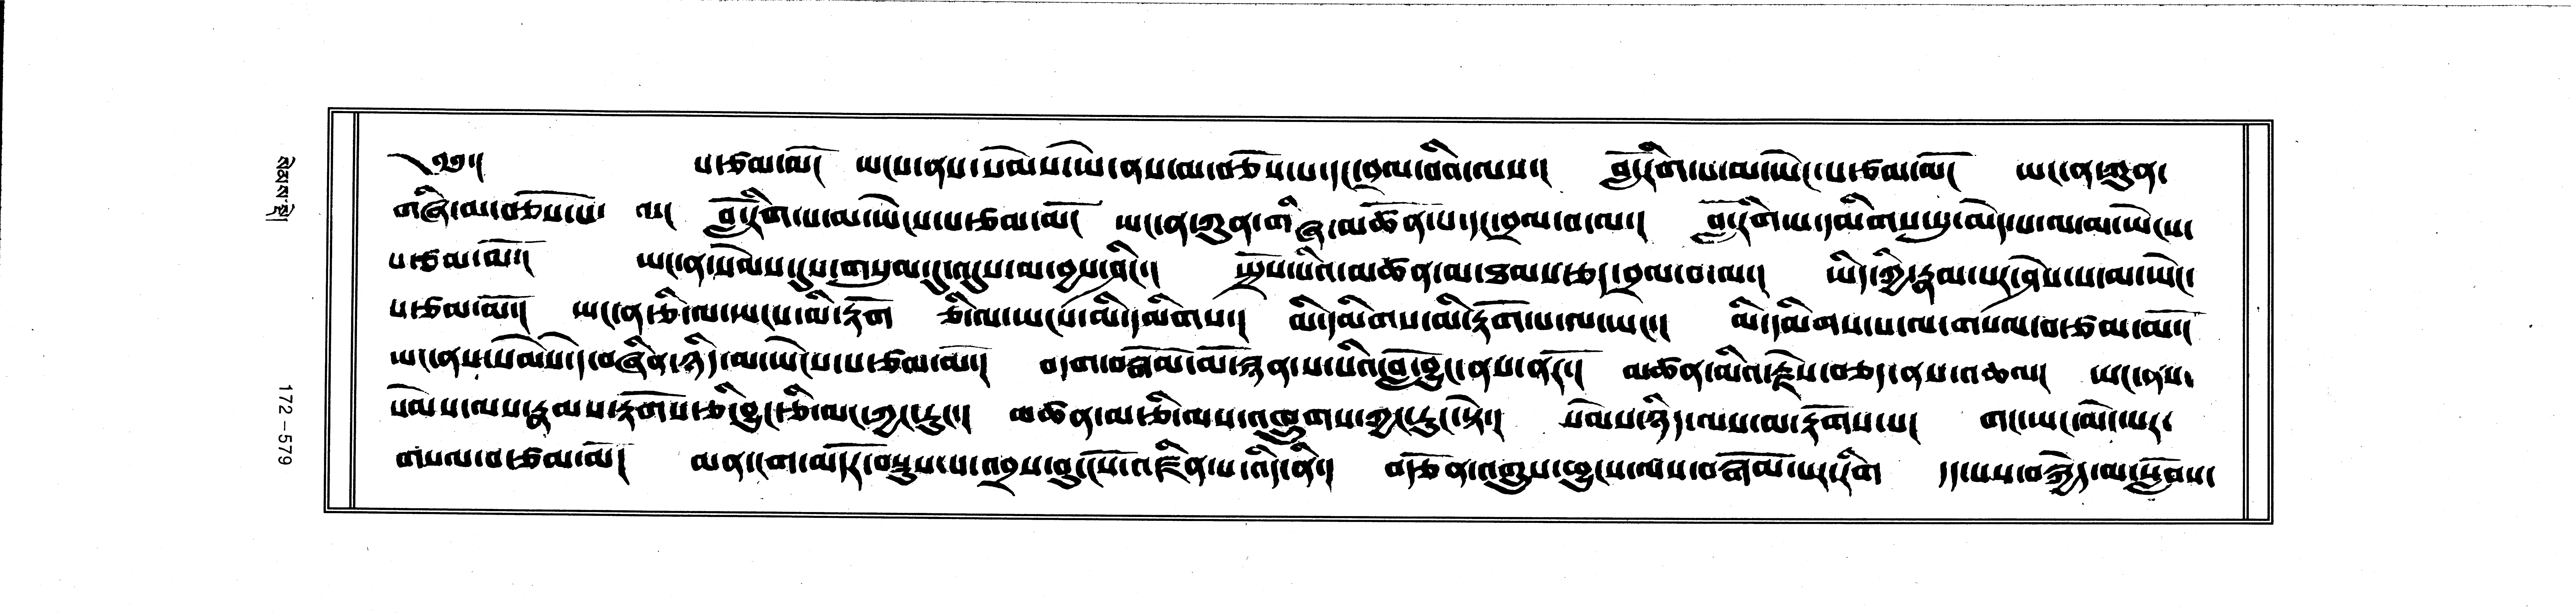པ་ཙམ་མོ། ཡང་ན་སེམས་དུས་གསུམ་དུ་འདུས་མ་བྱས་ཤིང་། བློ་རིག་པ་མ་ཡོང་པ་ཙམ་མོ། ཡང་ན་ཀུན།
གཞི་མ་བཅོས་པོ། ལ་ བློ་རིག་པ་མ་ཡོངས་པ་ཙམ་མོ། ཡང་ན་ཀུན་གི་ཞལ་མཚན་པ་དང་བྲལ་བ་ལ། བློ་རིག་དམིགས་སུ་མེད་པ་ལས་ཡོངས།
པ་ཙམ་མོ་ ཡང་ན་སེམས་དུས་གསུམ་དུ་འདུས་བྱས་ཤིང་། སྤྲོས་པའི་མཚན་མ་ཐམས་ཅད་བྲལ་བ་ལ། ཡིད་ཀྱི་རྣམ་པར་ཤེས་པ་མ་གཡེང་
པ་ཙམ་མོ། ཡང་ན་ཅི་ལ་ཡང་མི་རྟོགས། ཅི་ལ་ཡང་མི་དམིགས། མི་དམིགས་མི་རྟོགས་པ་ལ་ཡང་། མི་དམིགས་པ་ལ་གསལ་བ་ཙམ་མོ། 
ཡང་ནས་སེམས་དེ་བཞིན་ཉིད་མ་གཡེངས་པ་ཙམ་མོ། བདག་བསྒོམ་མོ་སྙན་པའི་བློ་བྱུང་ནས་ནོར། མཚན་མའི་རྗེས་བཅད་ནས་འཆལ། ཡང་ནས་
སེམས་ལས་རྣམ་རྟོགས་ཅི་བྱུང་ཅི་མང་ཀྱང་རུང་། མཚན་མ་ཅི་ལས་འཁྲུགས་ཀྱང་རུང་སྟེ། སེམས་ཉིད་ལས་མ་རྟོགས་པ། གང་ཡང་མེད་པར་
གསལ་བ་ཙམ་མོ། མན་ངག་མདོར་བསྡུས་པ་འབྲས་བུ་ངོས་འཛིན་པ་འདི་ནི། བརྩོན་འགྲུས་ཕྱུངས་ལས་བསྒོམ་པར་རིག དད་པས་བསྐྱེད་ལ་